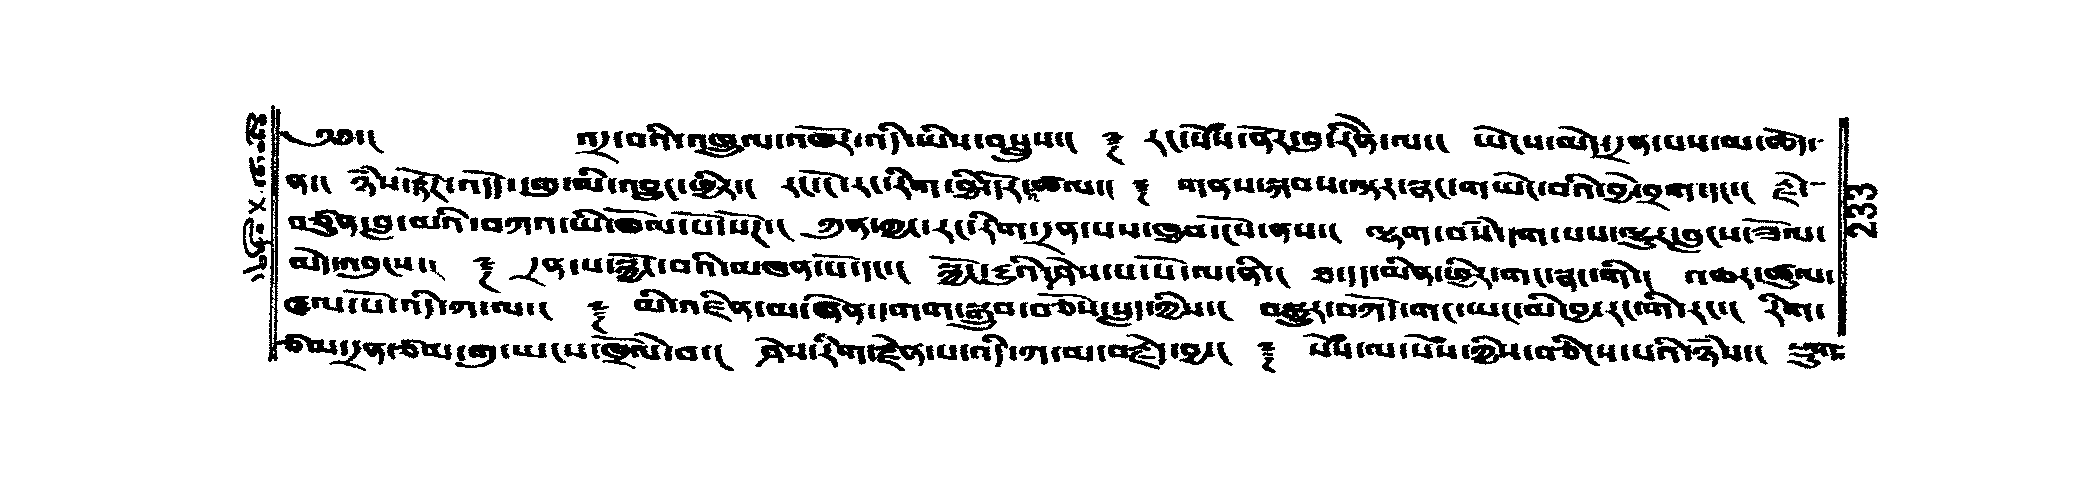འདྲ་བའི་འཁྲུལ་འཁོར་འདི་ཡིས་བསླུས། ༈ རང་སེམས་ནོར་བུ་རིན་ཆེན་ལ། །ཡེངས་མེད་དྲན་པས་མ་མ་ཆོད་
ན། །ཉམས་རྟོགས་འདོད་དགུ་མི་འབྱུང་ཕྱིར། །རང་ངོ་རང་རིག་བྱི་དོར་འཚལ།༈ གནས་སྐབས་ལྟར་སྣང་གཡེང་བའི་བྱེ་བྲག་དང་། །རྗེ་
བཙུན་བླ་མའི་བཀའ་ཡི་ཁོལ་པོ་སོགས། །ཀུན་ཀྱང་རང་རིག་དྲན་པས་ཁྱབ་ངེས་ནས། །ལྷག་བསམ་དག་པས་ལྷུར་བླངས་ཟོལ་
མེད་འབུངས། ༈ དྲན་པ་སྐྱོང་བའི་མཁན་པོ་དང་། །སྐྱོང་རྒྱུའི་ཤེས་པ་སོ་ལ་ནི། །ཐ་དད་མིན་ཕྱིར་རང་སྣང་གི །འཆར་ཚུལ་
ཝལ་པོ་འདི་ཀ་ལ། ༈ མི་འཛིན་མ་ཞེན་དགག་སྒྲུབ་བཅོས་སླད་ཀྱིས། །བསྒྱུར་བཀོད་གང་ཡང་མི་བྱ་རང་གི་རང་། །རིག་
ཙམ་དྲན་ཙམ་གུ་ཡངས་ཁྲོལ་ལེ་བ། །ཤེས་རིག་རྗེན་པ་འདི་ཀ་མ་བརྗེད་བྱ། ༈ སེམས་ལ་སེམས་ཀྱིས་བཅིངས་པའི་ཉམས། །སྡུག་